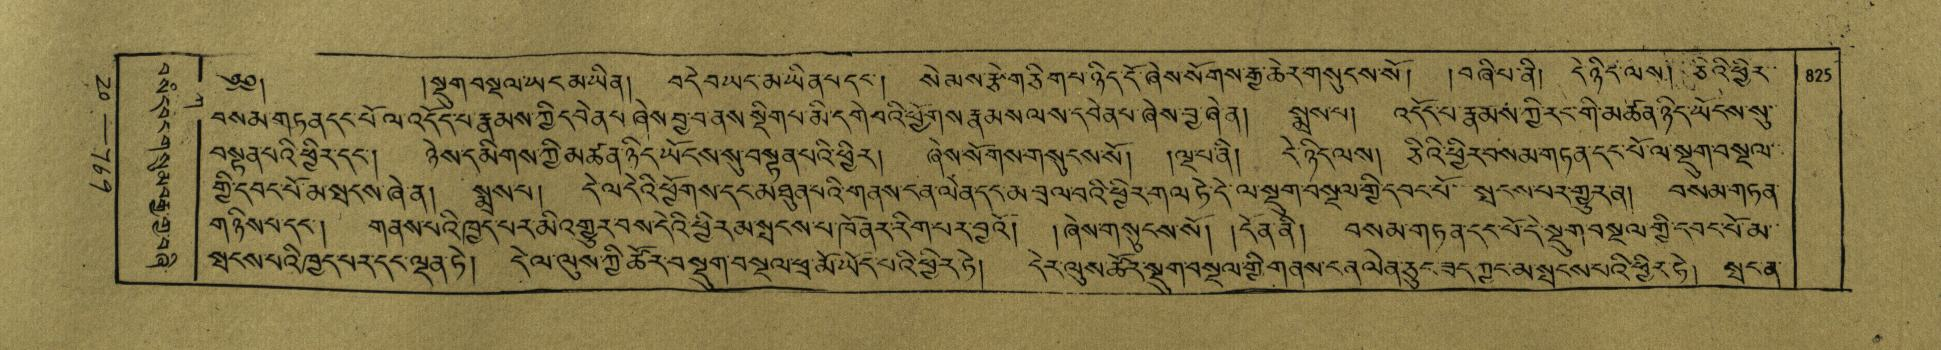༄༅། །སྡུག་བསྔལ་ཡང་མ་ཡིན། བདེ་བ་ཡང་མ་ཡིན་པ་དང་། སེམས་རྩེ་གཅིག་པ་ཉིད་དོ་ཞེས་སོགས་རྒྱ་ཆེར་གསུངས་སོ། །བཞི་པ་ནི། དེ་ཉིད་ལས། ཅིའི་ཕྱིར་
བསམ་གཏན་དང་པོ་ལ་འདོད་པ་རྣམས་ཀྱི་དབེན་པ་ཞེས་བྱ་བ་ནས་སྡིག་པ་མི་དགེ་བའི་ཕྱོགས་རྣམས་ལས་དབེན་པ་ཞེས་བྱ་ཞེ་ན། སྨྲས་པ། འདོད་པ་རྣམས་ཀྱི་རང་གི་མཚན་ཉིད་ཡོངས་སུ་
བསྟན་པའི་ཕྱིར་དང་། ཉེས་དམིགས་ཀྱི་མཚན་ཉིད་ཡོངས་སུ་བསྟན་པའི་ཕྱིར། ཞེས་སོགས་གསུངས་སོ། །ལྔ་པ་ནི། དེ་ཉིད་ལས། ཅིའི་ཕྱིར་བསམ་གཏན་དང་པོ་ལ་སྡུག་བསྔལ་
གྱི་དབང་པོ་མ་སྤངས་ཞེ་ན། སྨྲས་པ། དེ་ལ་དེའི་ཕྱོགས་དང་མཐུན་པའི་གནས་ངན་ལེན་དང་མ་བྲལ་བའི་ཕྱིར་གལ་ཏེ་དེ་ལ་སྡུག་བསྔལ་གྱི་དབང་པོ་སྤངས་པར་གྱུར་ན། བསམ་གཏན་
གཉིས་པ་དང་། གནས་པའི་ཁྱད་པར་མི་འགྱུར་བས་དེའི་ཕྱིར་མ་སྤངས་པ་ཁོ་ནར་རིག་པར་བྱའོ། །ཞེས་གསུངས་སོ། །དོན་ནི། བསམ་གཏན་དང་པོ་དེ་སྡུག་བསྔལ་གྱི་དབང་པོ་མ་
སྤངས་པའི་ཁྱད་པར་དང་ལྡན་ཏེ། དེ་ལ་ལུས་ཀྱི་ཚོར་བ་སྡུག་བསྔལ་ཕྲ་མོ་ཡོད་པའི་ཕྱིར་ཏེ། དེར་ལུས་ཚོར་སྡུག་བསྔལ་གྱི་གནས་ངན་ལེན་ཅུང་ཟད་ཀྱང་མ་སྤངས་པའི་ཕྱིར་ཏེ། སྤང་ན་